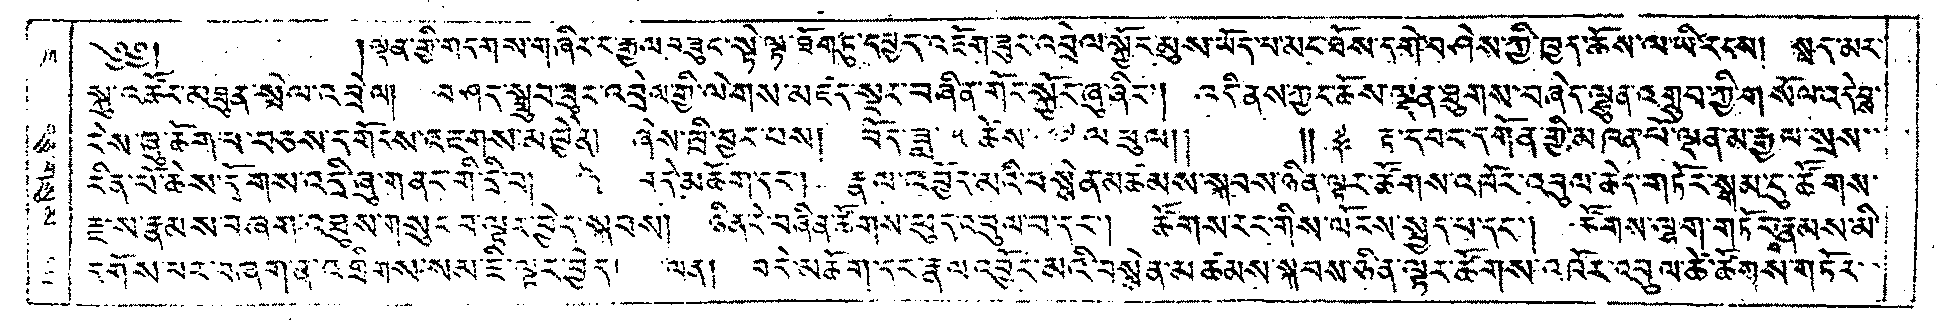༄༅། །ལྡན་གྱི་གདགས་གཞིར་ང་རྒྱལ་བཟུང་སྟེ་ལྟ་ཐོག་ཏུ་དཔྱད་འཇོག་ཟུང་འབྲེལ་སྐྱོང་མུས་ཡོད་པ་མང་ཐོས་དགེ་བཤེས་ཀྱི་ཁྱད་ཆོས་ལ་ཡི་རངས། སླད་མར་
སྐུ་འཚོར་མཐུན་སྤེལ་འབྲེལ། བཤད་སྒྲུབ་ཟུང་འབྲེལ་གྱི་ལེགས་མཛད་སྔར་བཞིན་གོང་སྐྱོང་ཞུ་ཞིང་། འདི་ནས་ཀྱང་ཆོས་ལྡན་ཐུགས་བཞེད་ལྷུན་འགྲུབ་ཀྱི་གསོལ་འདེབས་
ངེས་ཞུ་ཆོག་པ་བཅས་དགོངས་འཇགས་མཁྱེན། ཞེས་ཁྲི་བྱང་པས། བོད་ཟླ ༥་ཚེས ༡༧་ལ་ཕུལ།། །། ༈ རྟ་དབང་དགོན་གྱི་མཁན་པོ་ལྡན་མ་རྒྱལ་སྲས་
རིན་པོ་ཆེས་དྭོགས་འདྲི་ཞུ་གནང་གི་དྲི་བ། ༡?་བདེ་མཆོག་དང་། རྣལ་འབྱོར་མའི་བསྙེན་མཚམས་སྐབས་ཉིན་ལྟར་ཚོགས་འཁོར་འབུལ་ཆེད་གཏོར་སྒམ་དུ་ཚོགས་
རྫས་རྣམས་བཞག་འཐུས་གསུང་བ་ལྟར་བྱེད་སྐབས། ཉིན་རེ་བཞིན་ཚོགས་ཕུད་འབུལ་བ་དང་། ཚོགས་རང་གིས་ལོངས་སྤྱད་པ་དང་། ཚོགས་ལྷག་གཏོང་བ་རྣམས་མི་
དགོས་པར་བཞག་ན་འགྲིགས་སམ་ཇི་ལྟར་བྱེད། ལན། བདེ་མཆོག་དང་རྣལ་འབྱོར་མའི་བསྙེན་མཚམས་སྐབས་ཉིན་ལྟར་ཚོགས་འཁོར་འབུལ་ཚེ་ཚོགས་གཏོར་